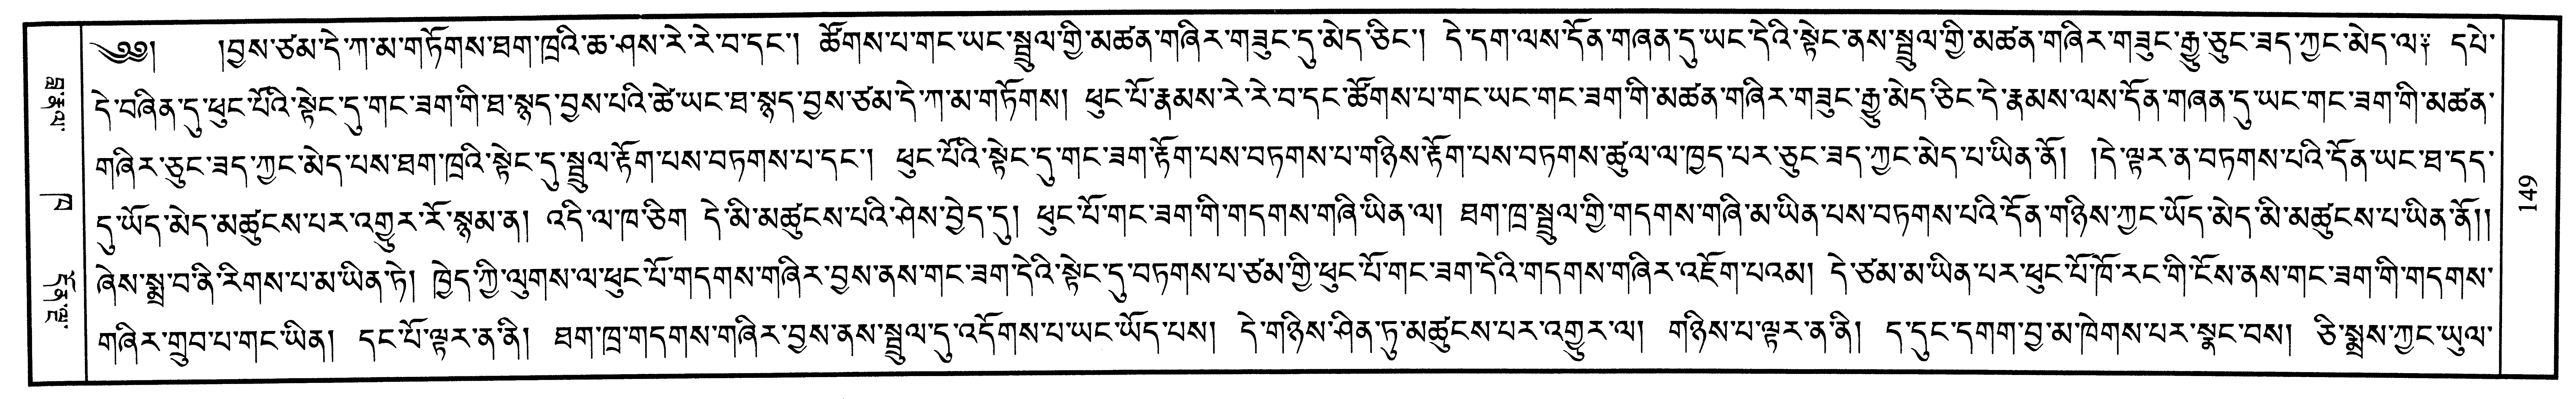༄༅། །བྱས་ཙམ་དེ་ཀ་མ་གཏོགས་ཐག་ཁྲའི་ཆ་ཤས་རེ་རེ་བ་དང་། ཚོགས་པ་གང་ཡང་སྦྲུལ་གྱི་མཚན་གཞིར་གཟུང་དུ་མེད་ཅིང་། དེ་དག་ལས་དོན་གཞན་དུ་ཡང་དེའི་སྟེང་ནས་སྦྲུལ་གྱི་མཚན་གཞིར་གཟུང་རྒྱུ་ཅུང་ཟད་ཀྱང་མེད་ལ༑ དཔེ་
དེ་བཞིན་དུ་ཕུང་པོའི་སྟེང་དུ་གང་ཟག་གི་ཐ་སྙད་བྱས་པའི་ཚེ་ཡང་ཐ་སྙད་བྱས་ཙམ་དེ་ཀ་མ་གཏོགས། ཕུང་པོ་རྣམས་རེ་རེ་བ་དང་ཚོགས་པ་གང་ཡང་གང་ཟག་གི་མཚན་གཞིར་གཟུང་རྒྱུ་མེད་ཅིང་དེ་རྣམས་ལས་དོན་གཞན་དུ་ཡང་གང་ཟག་གི་མཚན་
གཞིར་ཅུང་ཟད་ཀྱང་མེད་པས་ཐག་ཁྲའི་སྟེང་དུ་སྦྲུལ་རྟོག་པས་བཏགས་པ་དང་། ཕུང་པོའི་སྟེང་དུ་གང་ཟག་རྟོག་པས་བཏགས་པ་གཉིས་རྟོག་པས་བཏགས་ཚུལ་ལ་ཁྱད་པར་ཅུང་ཟད་ཀྱང་མེད་པ་ཡིན་ནོ། །དེ་ལྟར་ན་བཏགས་པའི་དོན་ཡང་ཐ་དད་
དུ་ཡོད་མེད་མཚུངས་པར་འགྱུར་རོ་སྙམ་ན། འདི་ལ་ཁ་ཅིག །དེ་མི་མཚུངས་པའི་ཤེས་བྱེད་དུ། ཕུང་པོ་གང་ཟག་གི་གདགས་གཞི་ཡིན་ལ། ཐག་ཁྲ་སྦྲུལ་གྱི་གདགས་གཞི་མ་ཡིན་པས་བཏགས་པའི་དོན་གཉིས་ཀྱང་ཡོད་མེད་མི་མཚུངས་པ་ཡིན་ནོ།།
ཞེས་སྨྲ་བ་ནི་རིགས་པ་མ་ཡིན་ཏེ། ཁྱེད་ཀྱི་ལུགས་ལ་ཕུང་པོ་གདགས་གཞིར་བྱས་ནས་གང་ཟག་དེའི་སྟེང་དུ་བཏགས་པ་ཙམ་གྱི་ཕུང་པོ་གང་ཟག་དེའི་གདགས་གཞིར་འཇོག་པའམ། དེ་ཙམ་མ་ཡིན་པར་ཕུང་པོ་ཁོ་རང་གི་ངོས་ནས་གང་ཟག་གི་གདགས་
གཞིར་གྲུབ་པ་གང་ཡིན། དང་པོ་ལྟར་ན་ནི། ཐག་ཁྲ་གདགས་གཞིར་བྱས་ནས་སྦྲུལ་དུ་འདོགས་པ་ཡང་ཡོད་པས། དེ་གཉིས་ཤིན་ཏུ་མཚུངས་པར་འགྱུར་ལ། གཉིས་པ་ལྟར་ན་ནི། ད་དུང་དགག་བྱ་མ་ཁེགས་པར་སྣང་བས། ཅི་སྨྲས་ཀྱང་ཡུལ་